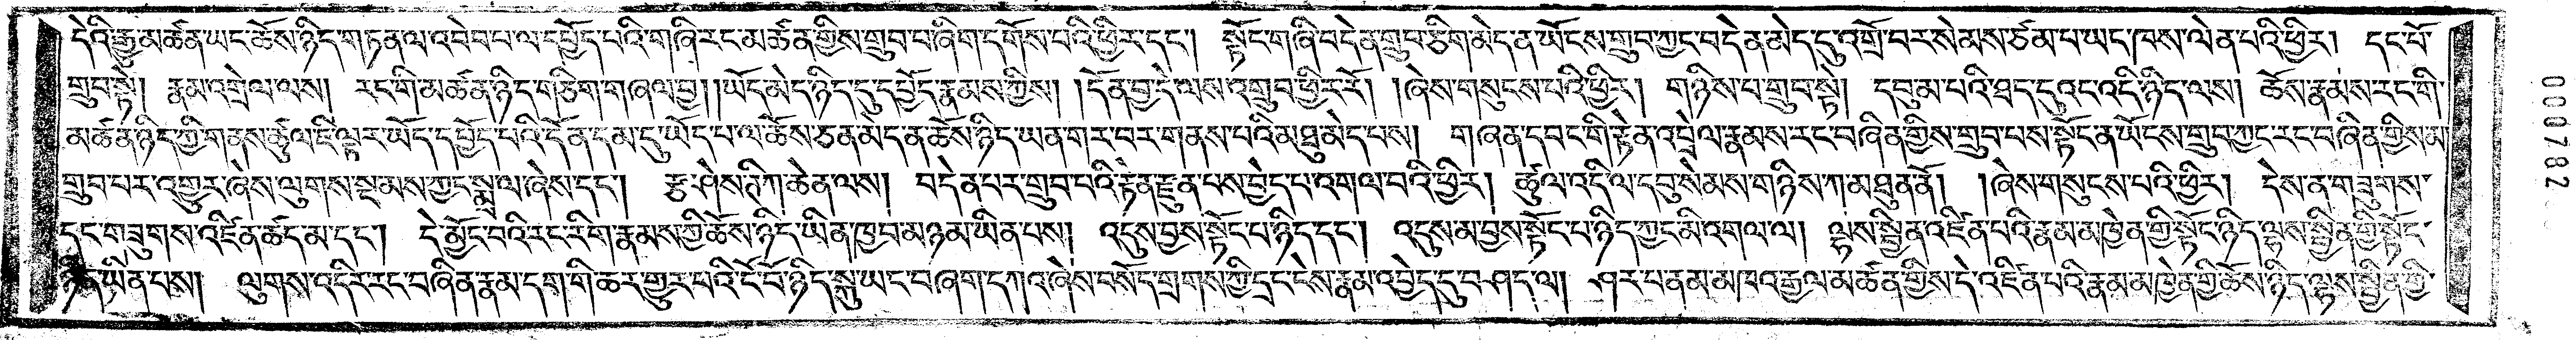དེའི་རྒྱུ་མཚན་ཡང་ཆོས་ཉིད་གཏན་ལ་འབེབ་པ་ལ་དཔྱོད་པའི་གཞི་རང་མཚན་གྱིས་གྲུབ་པ་ཞིག་དགོས་པའི་ཕྱིར་དང་། སྟོང་གཞི་བདེན་གྲུབ་ཅིག་མེད་ན་ཡོངས་གྲུབ་ཀྱང་བདེན་མེད་དུ་འགྲོ་བར་སེམས་ཙམ་པ་ཡང་ཁས་ལེན་པའི་ཕྱིར། དང་པོ་
གྲུབ་སྟེ། རྣམ་འགྲེལ་ལས། རང་གི་མཚན་ཉིད་གཅིག་གཞལ་བྱ། །ཡོད་མེད་ཉིད་དུ་དཔྱོད་རྣམས་ཀྱིས། །དོན་བྱ་དེ་ལས་འགྲུབ་ཕྱིར་རོ། །ཞེས་གསུངས་པའི་ཕྱིར། གཉིས་པ་གྲུབ་སྟེ། དབུ་མ་པའི་ཐད་དུའང་འདི་ཉིད་ལས། ཆོས་རྣམས་རང་གི་
མཚན་ཉིད་ཀྱི་གནས་ཚུལ་ཇི་ལྟར་ཡོད་དཔྱོད་པའི་དོན་དམ་དུ་ཡོད་པ་ལ་ཆོས་ཅན་མེད་ན་ཆོས་ཉིད་ཡན་གར་བར་གནས་པའི་མཐུ་མེད་པས། གཞན་དབང་གི་རྟེན་འབྲེལ་རྣམས་རང་བཞིན་གྱིས་གྲུབ་པས་སྟོང་ན་ཡོངས་གྲུབ་ཀྱང་རང་བཞིན་གྱིས་མ་
གྲུབ་པར་འགྱུར་ཞེས་ལུགས་སྔ་མས་ཀྱང་སྨྲ་ལ་ཞེས་དང་། རྩ་ཤེས་ཊིཀ་ཆེན་ལས། བདེན་པར་གྲུབ་པའི་རྟེན་རྫུན་པས་བྱེད་པ་འགལ་བའི་ཕྱིར། ཚུལ་འདི་ལ་དབུ་སེམས་གཉིས་ཀ་མཐུན་ནོ། །ཞེས་གསུངས་པའི་ཕྱིར། དེས་ན་གཟུགས་
དང་གཟུགས་འཛིན་ཚད་མ་དང་། དེ་མྱོང་བའི་རང་རིག་རྣམས་ཀྱི་ཆོས་ཉིད་ཡིན་ཁྱབ་མཉམ་ཡིན་པས། འདུས་བྱས་སྟོང་པ་ཉིད་དང་། འདུས་མ་བྱས་སྟོང་པ་ཉིད་ཀྱང་མི་འགལ་ལ། ལྷས་སྦྱིན་འཛིན་པའི་རྣམ་མཁྱེན་གྱི་སྟོང་ཉིད་ལྷས་སྦྱིན་གྱི་སྟོང་
ཉིད་ཡིན་པས། ལུགས་འདིར་རང་བཞིན་རྣམ་དག་གི་ཆར་གྱུར་པའི་ངོ་བོ་ཉིད་སྐུ་ཡང་བཞག་དཀའ་ཞེས་བསོད་གྲགས་ཀྱི་དྲང་ངེས་རྣམ་འབྱེད་དུ་བཤད་ལ། ཤར་པ་ནམ་མཁའ་རྒྱལ་མཚན་གྱིས་དེ་འཛིན་པའི་རྣམ་མཁྱེན་གྱི་ཆོས་ཉིད་ལྷས་སྦྱིན་གྱི་